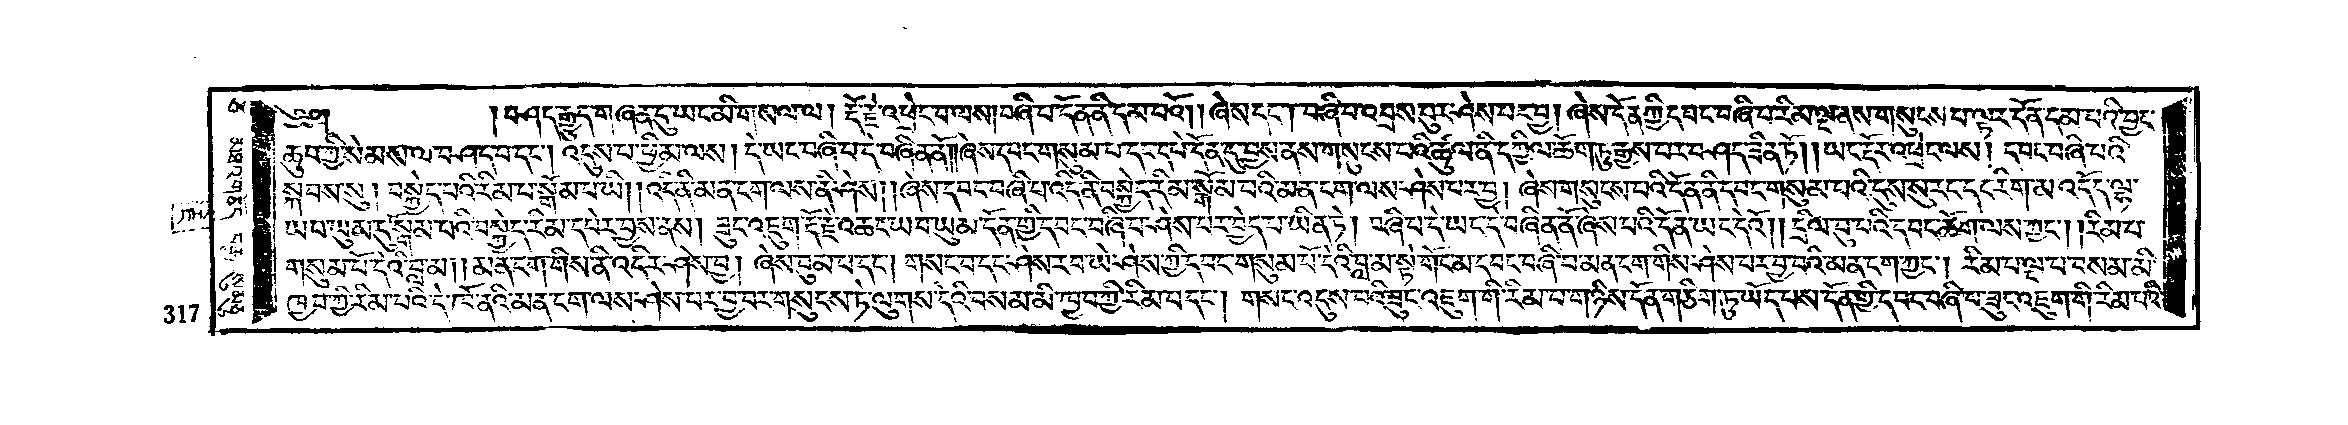༄༅། །བཤད་རྒྱུད་གཞན་དུ་ཡང་མི་གསལ་ལ། རྡོ་རྗེ་འཕྲེང་བ་ལས། བཞི་པ་དོན་ནི་དམ་པའོ། །ཞེས་དང་། བཞི་པ་འབྲས་བུར་ཤེས་པར་བྱ། ཞེས་དོན་གྱི་དབང་བཞི་པ་རིམ་ལྔ་ནས་གསུངས་པ་ལྟར་དོན་དམ་པའི་བྱང་
ཆུབ་ཀྱི་སེམས་ལ་བཤད་པ་དང་། འདུས་པ་ཕྱི་མ་ལས། དེ་ཡང་བཞི་པ་དེ་བཞིན་ནོ། །ཞེས་དབང་གསུམ་པ་དང་དཔེ་དོན་དུ་བྱས་ནས་གསུངས་པའི་ཚུལ་ནི་དཀྱིལ་ཆོག་ཏུ་རྒྱས་པར་བཤད་ཟིན་ཏོ། །ཡང་རྡོར་འཕྲེང་ལས། དབང་བཞི་པའི་
སྐབས་སུ། བསྐྱེད་པའི་རིམ་པ་སྒོམ་པ་ཡི། །འདི་ནི་མན་ངག་ལས་ནི་ཤེས། །ཞེས་དབང་བཞི་པ་འདི་ནི་བསྐྱེད་རིམ་སྒོམ་པའི་མན་ངག་ལས་ཤེས་པར་བྱ། ཞེས་གསུངས་པའི་དོན་ནི་དབང་གསུམ་པའི་དུས་སུ་རང་དང་རིག་མ་འདོད་ལྷ་
ཡབ་ཡུམ་དུ་སྒོམ་པའི་བསྐྱེད་རིམ་དཔེར་བྱས་ནས། ཟུང་འཇུག་རྡོ་རྗེ་འཆང་ཡབ་ཡུམ་དོན་གྱི་དབང་བཞི་པ་ཤེས་པར་བྱེད་པ་ཡིན་ཏེ། བཞི་པ་དེ་ཡང་དེ་བཞིན་ནོ་ཞེས་པའི་དོན་ཡང་དེའོ། །དྲིལ་བུ་པའི་དབང་ཆོག་ལས་ཀྱང་། །རིམ་པ་
གསུམ་པོ་དེའི་བླ་མ། །མན་ངག་གིས་ནི་འདིར་ཤེས་བྱ། ཞེས་བུམ་པ་དང་། གསང་བ་དང་ཤེས་རབ་ཡེ་ཤེས་ཀྱི་དབང་གསུམ་པོ་དེའི་བླ་མ་སྟེ་གོང་མ་དབང་བཞི་པ་མན་ངག་གིས་ཤེས་པར་བྱ་བའི་མན་ངག་ཀྱང་། རིམ་པ་ལྔ་པ་བསམ་མི་
ཁྱབ་ཀྱི་རིམ་པའི་དེ་ཁོ་ནའི་མན་ངག་ལས་ཤེས་པར་བྱ་བར་གསུངས་ཏེ་ལུགས་དེའི་བསམ་མི་ཁྱབ་ཀྱི་རིམ་པ་དང་། གསང་འདུས་པའི་ཟུང་འཇུག་གི་རིམ་པ་གཉིས་དོན་གཅིག་ཏུ་ཡོད་པས་དོན་གྱི་དབང་བཞི་པ་ཟུང་འཇུག་གི་རིམ་པའི་